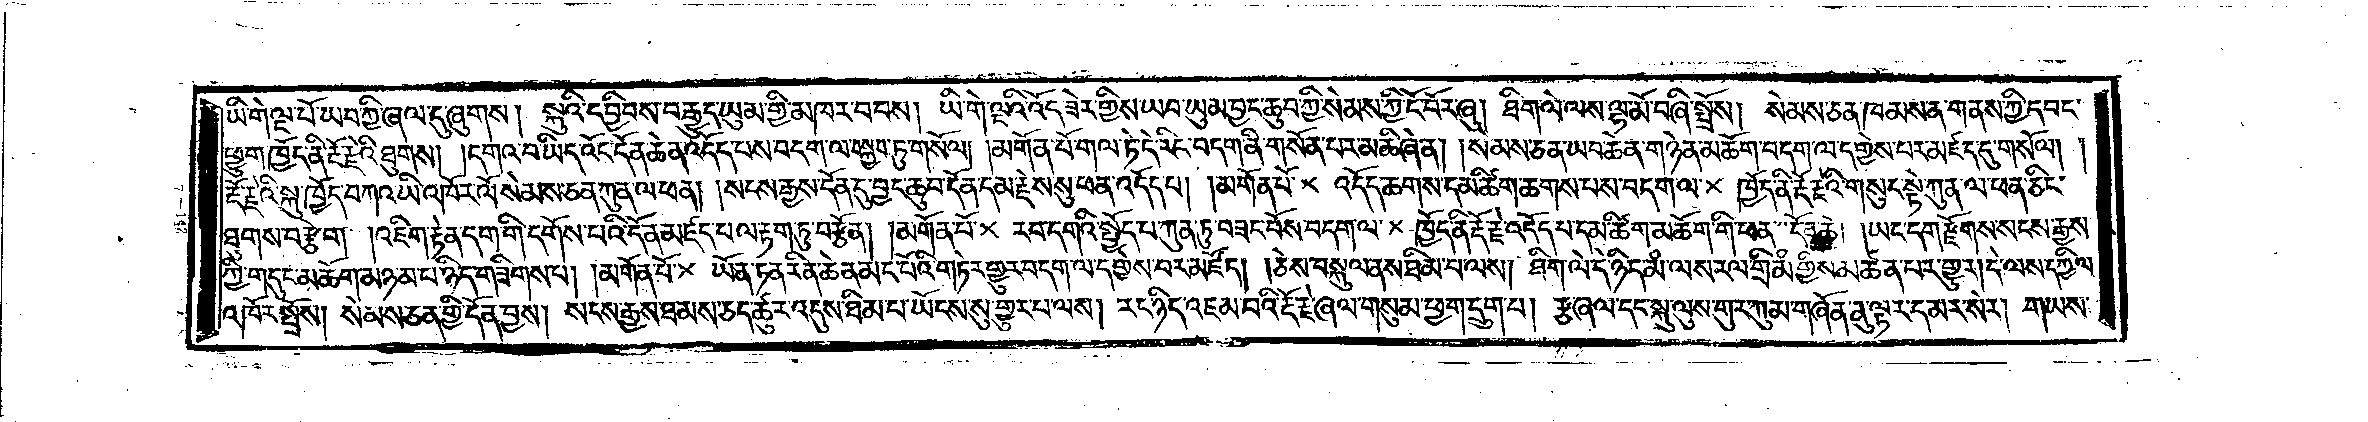ཡི་གེ་ལྔ་པོ་ཡབ་ཀྱི་ཞལ་དུ་ཞུགས། སྐུའི་དབྱིབས་བརྒྱུད་ཡུམ་གྱི་མཁར་བབས། ཡི་གེ་ལྔའི་འོད་ཟེར་གྱིས་ཡབ་ཡུམ་བྱང་ཆུབ་ཀྱི་སེམས་ཀྱི་ངོ་བོར་ཞུ། ཐིག་ལེ་ལས་ལྷ་མོ་བཞི་སྤྲོས། སེམས་ཅན་ཁམས་ན་གནས་ཀྱི་དབང་
ཕྱུག་ཁྱོད་ནི་རྡོ་རྗེའི་ཐུགས། །དགའ་བ་ཡིད་འོང་དོན་ཆེན་འདོང་པས་བདག་ལ་བསྐྱབ་ཏུ་གསོལ། །མགོན་པོ་གལ་ཏེ་དེ་རིང་བདག་ནི་གསོན་པར་མཆི་ཞེ་ན། །སེམས་ཅན་ཡབ་ཆེན་གཉེན་མཆོག་བདག་ལ་དགྱེས་པར་མཛད་དུ་གསོལ། །
རྡོ་རྗེའི་སྐུ་ཁྱོད་བཀའ་ཡི་འཁོར་ལོ་སེམས་ཅན་ཀུན་ལ་ཕན། །སངས་རྒྱས་དོན་དུ་བྱང་ཆུབ་དོན་དམ་རྗེས་སུ་ཕན་འདོད་པ། །མགོན་པོ་྾་འདོད་ཆགས་དམ་ཚིག་ཆགས་པས་བདག་ལ་྾་ཁྱོད་ནི་རྡོ་རྗེའི་གསུང་སྟེ་ཀུན་ལ་ཕན་ཅིང་
ཐུགས་བརྩེ་བ། །འཇིག་རྟེན་དག་གི་དགོས་པའི་དོན་མཛད་པ་ལ་རྟག་ཏུ་བརྩོན། །མགོན་པོ་྾་རབ་དགའི་སྤྱོད་པ་ཀུན་ཏུ་བཟང་པོས་བདག་ལ་྾་ཁྱོད་ནི་རྡོ་རྗེ་འདོད་པ་དམ་ཚིག་མཆོག་གི་ཕན་དོན་ཆེ། །ཡང་དག་རྫོགས་སངས་རྒྱས་
གྱི་གདུང་མཆོག་མཉམ་པ་ཉིད་གཟིགས་པ། །མགོན་པོ་྾་ཡོན་ཏན་རིན་ཆེན་མང་པོའི་གཏེར་གྱུར་བདག་ལ་དགྱེས་པར་མཛོད། །ཅེས་བསྐུལ་ནས་ཐིམ་པ་ལས། ཐིག་ལེ་དེ་ཉིད་མཾ་ལས་རལ་གྲི་མཾ་གྱིས་མཚན་པར་གྱུར། དེ་ལས་དཀྱིལ་
འཁོར་སྤྲོས། སེམས་ཅན་གྱི་དོན་བྱས། སངས་རྒྱས་ཐམས་ཅད་ཚུར་འདུས་ཐིམ་པ་ཡོངས་སུ་གྱུར་པ་ལས། རང་ཉིད་འཇམ་པའི་རྡོ་རྗེ་ཞལ་གསུམ་ཕྱག་དྲུག་པ། རྩ་ཞལ་དང་སྐུ་ལུས་གུར་ཀུམ་གཞོན་ནུ་ལྟར་དམར་སེར། གཡས་